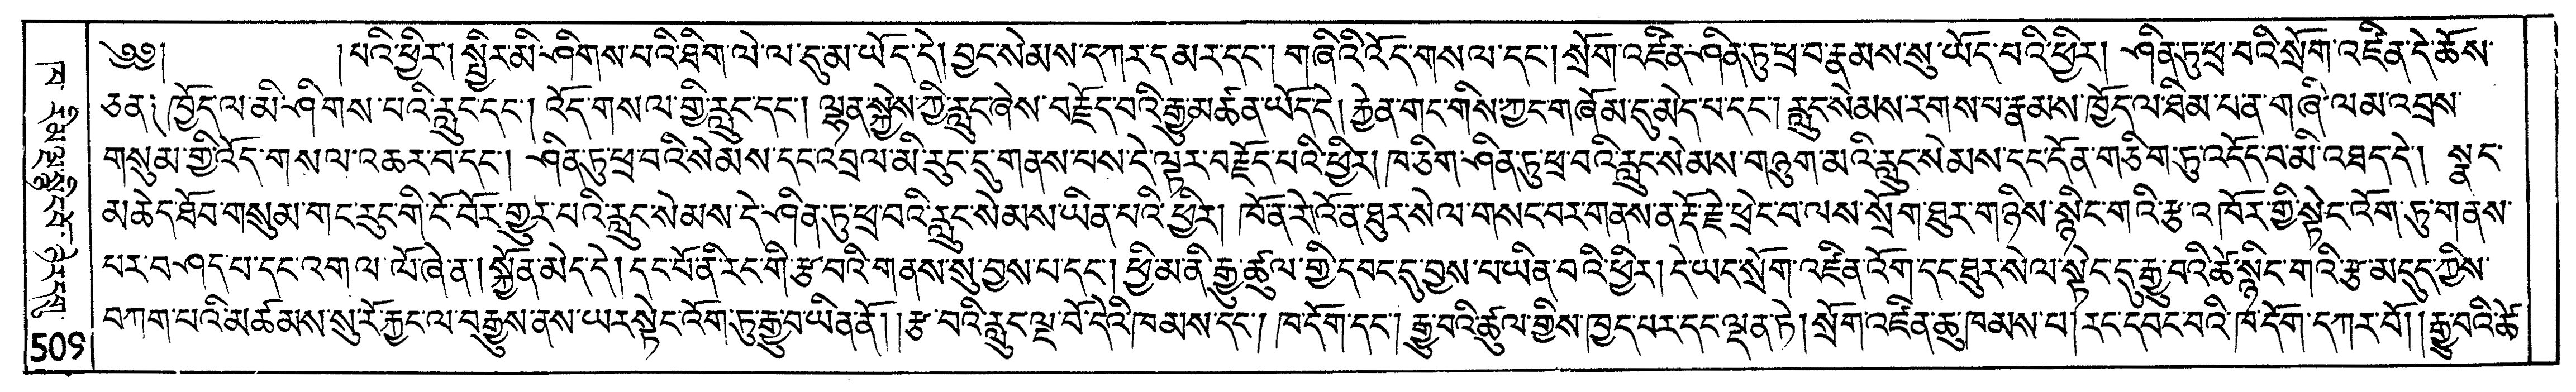༄༅། །པའི་ཕྱིར། སྤྱིར་མི་ཤིགས་པའི་ཐིག་ལེ་ལ་དུ་མ་ཡོད་དེ། བྱང་སེམས་དཀར་དམར་དང་། གཞིའི་འོད་གསལ་དང་། སྲོག་འཛིན་ཤིན་ཏུ་ཕྲ་བ་རྣམས་སུ་ཡོད་པའི་ཕྱིར། ཤིན་ཏུ་ཕྲ་བའི་སྲོག་འཛིན་དེ་ཆོས་
ཅན༑ ཁྱོད་ལ་མི་ཤིགས་པའི་རླུང་དང་། འོད་གསལ་གྱི་རླུང་དང་། ལྷན་སྐྱེས་ཀྱི་རླུང་ཞེས་བརྗོད་པའི་རྒྱུ་མཚན་ཡོད་དེ། རྐྱེན་གང་གིས་ཀྱང་གཞོམ་དུ་མེད་པ་དང་། རླུང་སེམས་རགས་པ་རྣམས་ཁྱོད་ལ་ཐིམ་པ་ན་གཞི་ལམ་འབྲས་
གསུམ་གྱི་འོད་གསལ་འཆར་བ་དང་། ཤིན་ཏུ་ཕྲ་བའི་སེམས་དང་འབྲལ་མི་རུང་དུ་གནས་པས་དེ་ལྟར་བརྗོད་པའི་ཕྱིར། ཁ་ཅིག་ཤིན་ཏུ་ཕྲ་བའི་རླུང་སེམས་གཉུག་མའི་རླུང་སེམས་དང་དོན་གཅིག་ཏུ་འདོད་པ་མི་འཐད་དེ། སྣང་
མཆེད་ཐོབ་གསུམ་གང་རུང་གི་ངོ་བོར་གྱུར་པའི་རླུང་སེམས་དེ་ཤིན་ཏུ་ཕྲ་བའི་རླུང་སེམས་ཡིན་པའི་ཕྱིར། ཁོ་ན་རེ། འོ་ན་ཐུར་སེལ་གསང་བར་གནས་ན་རྡོ་རྗེ་ཕྲེང་བ་ལས་སྲོག་ཐུར་གཉིས་སྙིང་གའི་རྩ་འཁོར་གྱི་སྟེང་འོག་ཏུ་གནས་
པར་བཤད་པ་དང་འགལ་ལོ་ཞེ་ན། སྐྱོན་མེད་དེ། དང་པོ་ནི་རང་གི་རྩ་བའི་གནས་སུ་བྱས་པ་དང་། ཕྱི་མ་ནི་རྒྱུ་ཚུལ་གྱི་དབང་དུ་བྱས་པ་ཡིན་པའི་ཕྱིར། དེ་ཡང་སྲོག་འཛིན་འོག་དང་ཐུར་སེལ་སྟེང་དུ་རྒྱུ་བའི་ཚེ་སྙིང་གའི་རྩ་མདུད་ཀྱིས་
བཀག་པའི་མཚམས་སུ་རོ་རྐྱང་ལ་བརྒྱུས་ནས་ཡར་སྟེང་འོག་ཏུ་རྒྱུ་བ་ཡིན་ནོ། །རྩ་བའི་རླུང་ལྔ་པོ་དེའི་ཁམས་དང་། ཁ་དོག་དང་། རྒྱུ་བའི་ཚུལ་གྱིས་ཁྱད་པར་དང་ལྡན་ཏེ། སྲོག་འཛིན་ཆུ་ཁམས་པ། རང་དབང་བའི་ཁ་དོག་དཀར་པོ། །རྒྱུ་བའི་ཚེ་